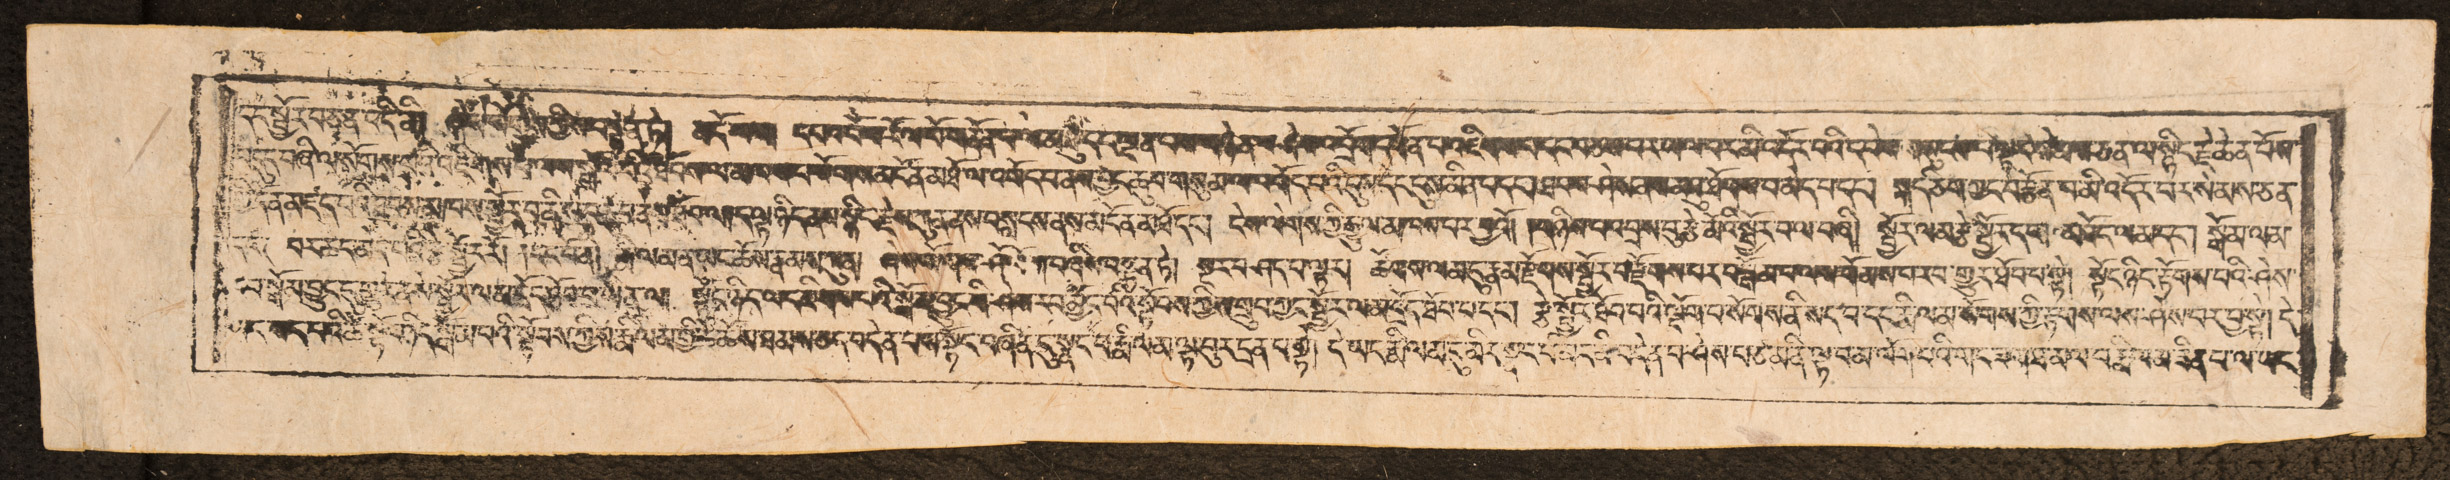དང་སྦྱོར་བ་ཅན་འདི་ནི། ཞེས་སོགས་ཀྱིས་བསྟན་ཏེ། མདོ་ལས། དཔའ་བོ་ཕ་རོལ་པོ་གནོན་པ་ལ་མཐུ་དང་ལྡན་པས་གཉེན་བཤེས་འབྲོག་དགོན་པ་འཇིགས་པ་དང་བཅས་པར་ཡལ་བར་མི་འདོར་བའི་དཔེས་གསུངས་པ་ལྟར་སེམས་ཅན་ལ་སྙིང་རྗེ་ཆེན་པོས་
བདུད་བཞི་ལ་སོགས་པའི་འཇིགས་པ་ལས་སྒྲོལ་བའི་ཐབས་ལ་མཁས་པ་སོགས་མངོན་མཐོ་ལ་འགོད་པ་ནས་བྱང་ཆུབ་གསུམ་ལ་འགོད་པའི་དུས་དང་དུས་མིན་པ་དང་། ཐབས་ཤེས་ནས་མཐུ་ཐོགས་པ་མེད་པ་དང་། སྐད་ཅིག་ཀྱང་བརྩོན་པ་མི་འདོར་བར་སེམས་ཅན་
གྱི་དོན་མཛད་པའི་ཐབས་མཁས་སྦྱོར་བ་ནི་ས་བཅུ་པ་ནས་ཐོབ་ལ། ད་ལྟ་ཉིད་ནས་སྙིང་རྗེས་ཀུན་ནས་བསླངས་ནས་མངོན་མཐོ་དང་། ངེས་ལེགས་ཀྱི་རྒྱུ་ལ་མཁས་པར་བྱའོ། །གཉིས་པ་འབྲས་བུ་རྩེ་མོའི་སྦྱོར་བ་ལ་བཞི། སྦྱོར་ལམ་རྩེ་སྦྱོར་དང་། མཐོང་ལམ་དང་། སྒོམ་ལམ་
དང་། བར་ཆད་མེད་པའི་རྩེ་སྦྱོར་རོ། །དང་པོ་ནི། རྨི་ལམ་ན་ཡང་ཆོས་རྣམས་ཀུན། ཞེས་སོགས་ཤོ་ལོ་ཀ་བཞིས་བསྟན་ཏེ། སྔར་བཤད་པ་ལྟར། ཚོགས་ལམ་དུ་རྣམ་རྫོགས་སྦྱོར་བ་རྫོགས་པར་བསྒོམ་པ་ལས་གོམས་པ་རབ་གྱུར་ཐོབ་པ་སྟེ། སྟོང་ཉིད་རྟོགས་པའི་ཤེས་
རབ་སྒོམ་བྱུང་དུ་གྱུར་ནས་སྦྱོར་ལམ་དྲོད་ཐོབ་པ་ཡིན་ལ། སྟོང་ཉིད་ལ་དམིགས་པའི་སྒོམ་བྱུང་གི་ཤེས་རབ་མྱོང་བའི་སྟོབས་ཀྱིས་གྲུབ་ཀྱང་སྦྱོར་ལམ་དྲོད་ཐོབ་པ་དང་། རྩེ་སྦྱོར་ཐོབ་པའི་ལྡོག་པ་སོགས་ནི་སད་པ་དང་རྨི་ལམ་སོགས་ཀྱི་རྟགས་ལས་ཤེས་པར་བྱ་སྟེ། དེ་
ཡང་སད་པའི་ཚེ་སྟོང་ཉིད་སྒོམ་པའི་སྟོབས་ཀྱིས་རྨི་ལམ་གྱི་ཚེ་ཆོས་ཐམས་ཅད་བདེན་པས་སྟོང་བཞིན་དུ་སྣང་བ་རྨི་ལམ་ལྟ་བུར་དྲན་པ་སྟེ། དེ་ཡང་རྨི་ལམ་དུ་མིར་སྣང་བ་མིར་མི་བདེན་བ་ཤེས་པ་ཙམ་ནི་ལྟ་བ་མ་ལོག་པའི་གང་ཟག་ཐ་མལ་པ་རྨི་ལམ་ཟིན་པ་ལ་ཡང་